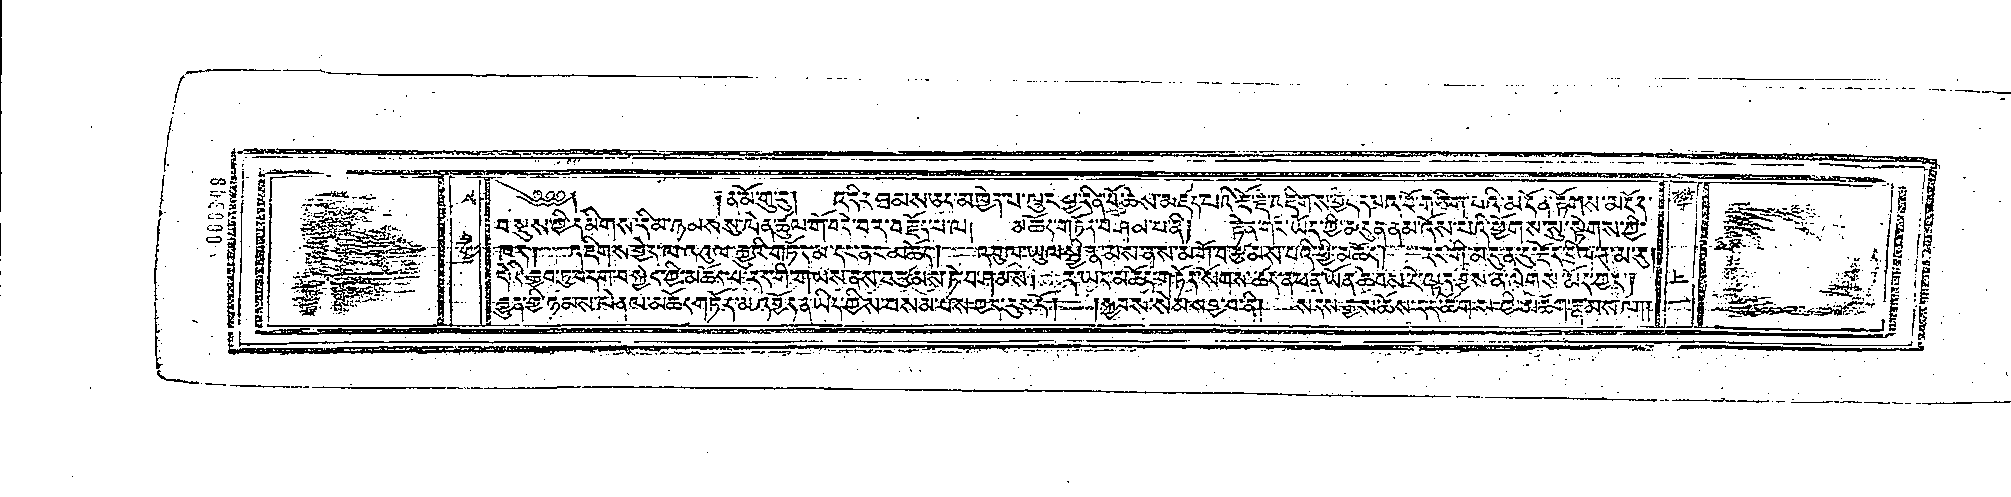༄༅༅། །ན་མོ་གུ་རུ། འདིར་ཐམས་ཅད་མཁྱེན་པ་ལྕང་སྐྱ་རིན་པོ་ཆེས་མཛད་པའི་རྡོ་རྗེ་འཇིགས་བྱེད་དཔའ་བོ་གཅིག་པའི་མངོན་རྟོགས་མདོར་
བསྡུས་ཀྱི་དམིགས་རིམ་ཉམས་སུ་ལེན་ཚུལ་གོ་བདེ་བར་བརྗོད་པ་ལ། མཆོད་གཏོར་བཤམ་པ་ནི། རྟེན་གང་ཡོད་ཀྱི་མདུན་ནམ་འོས་པའི་ཕྱོགས་སུ་སྟེགས་ཀྱི་
ཁར། འཇིགས་བྱེད་ལ་འབུལ་རྒྱུའི་གཏོར་མ་དང་ནང་མཆོད། འབུལ་ཡུལ་སྦྱི་རྣམས་ནས་མགོ་བརྩམས་པའི་ཕྱི་མཆོད། རང་གི་མདུན་དུ་རྡོར་དྲིལ་ཊ་མ་རུ།
དེའི་རྒྱབ་ཏུ་བདག་བསྐྱེད་ཀྱི་མཆོད་པ་རང་གི་གཡས་ནས་བརྩམས་ཏེ་བཤམས། དེ་ཡང་མཆོད་གཏོར་སོགས་ཚད་ན་ཕན་ཡོན་ཆེ་བས་དེ་ལྟར་བྱས་ན་ལེགས་མོད་ཀྱང་།
རྒྱུན་གྱི་ཉམས་ལེན་ལ་མཆོད་གཏོར་མ་འབྱོར་ན་ཡིད་ཀྱིས་བསམ་པས་ཀྱང་རུང་ངོ། །སྐྱབས་སེམས་བྱ་བ་ནི། སངས་རྒྱས་ཆོས་དད་ཚོགས་ཀྱི་མཆོག་རྣམས་ལ། །